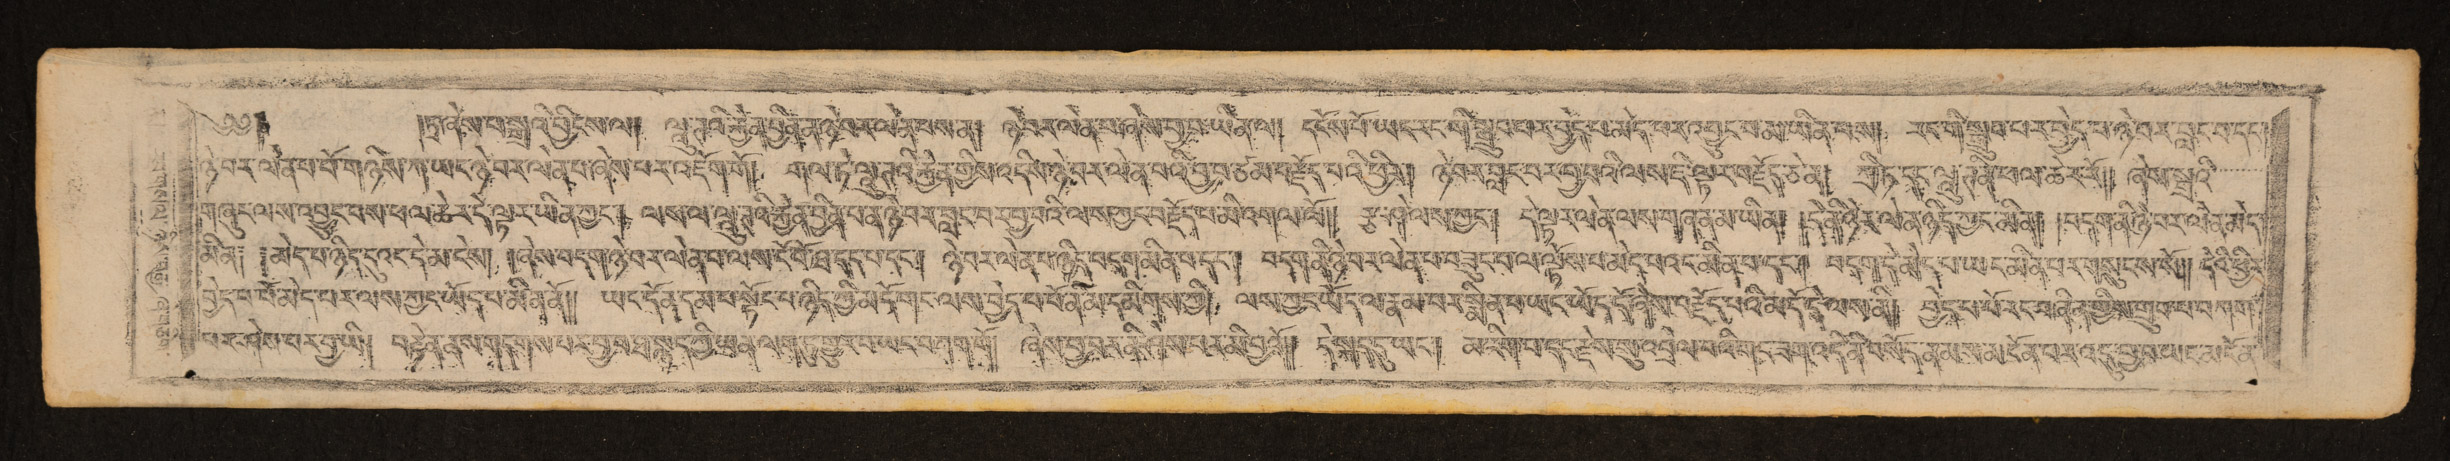༄༅། །ཏྲ་ཞེས་པ་སྒྲའི་བྱིངས་ལ། ལཱུ་ཊའི་རྐྱེན་བྱིན་ན་ཉེ་བར་ལེན་པས་ན། ཉེ་བར་ལེན་པ་ཞེས་བྱ་བ་ཡིན་ལ། དངོས་པོ་ཡང་རང་གི་སྒྲུབ་པར་བྱེད་པ་མེད་པར་འབྱུང་བ་མ་ཡིན་པས། རང་གི་སྒྲུབ་པར་བྱེད་པ་ཉེ་བར་བླང་བ་དང་།
ཉེ་བར་ལེན་པ་པོ་གཉིས་ཀ་ཡང་ཉེ་བར་ལེན་པ་ཞེས་པར་འཇོག་གོ། གལ་ཏེ་ལཱུ་ཊའི་རྐྱེན་གྱིས་འདིས་ཉེ་བར་ལེན་པའི་བྱ་བ་ཙམ་བརྗོད་པའི་ཕྱིར། ཉེ་བར་བླང་བར་བྱ་བའི་ལས་ཇི་ལྟར་བརྗོད་ཅེ་ན། ཀྲི་ཏ་དང་ལཱུ་ཊ་ནི་ཕལ་ཆེར་རོ།། ཞེས་སྒྲའི་
གཞུང་ལས་འབྱུང་བས་ཕལ་ཆེར་དེ་ལྟར་ཡིན་ཀྱང་། ལས་ལ་ལཱུ་ཊའི་རྐྱེན་བྱིན་པ་ན་ཉེ་བར་བླང་བར་བྱ་བའི་ལས་ཀྱང་བརྗོད་པ་མི་འགལ་ལོ།། རྩ་ཤེ་ལས་ཀྱང་། དེ་ལྟར་ལེན་ལས་གཞན་མ་ཡིན། །དེ་ནི་ཉེར་ལེན་ཉིད་ཀྱང་མིན། །བདག་ནི་ཉེ་བར་ལེན་མེད་
མིན༑ ༑མེད་པ་ཉིད་དུའང་དེ་མ་ངེས། །ཞེས་བདག་ཉེ་བར་ལེན་པ་ལས་ངོ་བོ་ཐ་དད་པ་དང་། ཉེ་བར་ལེན་པ་ཉིད་བདག་མིན་པ་དང་། བདག་ནི་ཉེ་བར་ལེན་པ་བཟུང་བ་ལ་ལྟོས་པ་མེད་པའང་མིན་པ་དང་། བདག་དེ་མེད་པ་ཡང་མིན་པར་གསུངས་སོ།། དེའི་ཕྱིར་
བྱེད་པ་པོ་མེད་པར་ལས་ཀྱང་ཡོད་པ་མིན་ནོ།། ཡང་དོན་དམ་པ་སྟོང་པ་ཉིད་ཀྱི་མདོ་གང་ལས་བྱེད་པ་པོ་ནི་མ་དམིགས་ཀྱི། ལས་ཀྱང་ཡོད་ལ་རྣམ་པར་སྨིན་པ་ཡང་ཡོད་དོ་ཞེས་བརྗོད་པའི་མདོ་དེ་ལས་ནི། བྱེད་པ་པོ་རང་བཞིན་གྱིས་གྲུབ་པ་བཀག་
པར་ཤེས་པར་བྱའི། བརྟེན་ནས་གདགས་པར་བྱ་བ་ཐ་སྙད་ཀྱི་ཡན་ལག་ཏུ་གྱུར་པ་ཡང་བཀག་གོ། ཞེས་བྱ་བར་ནི་ཤེས་པར་མི་བྱའོ།། དེ་སྐད་དུ་ཡང་། མ་རིག་པ་དང་རྗེས་སུ་འབྲེལ་བའི་གང་ཟག་འདི་ནི་བསོད་ནམས་མངོན་པར་འདུ་བྱ་བ་ཡང་མངོན་